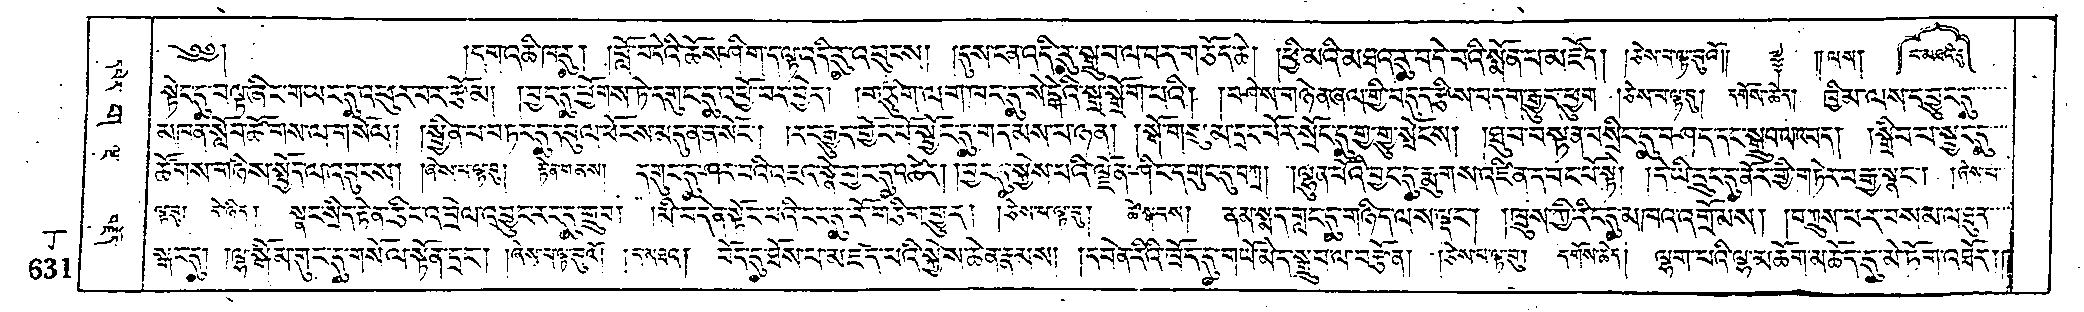༄༅། །དག་འཆི་ཁ་རུ྾། །བློ་བདེའི་ཆོས་ཤིག་ད་ལྟ་འདི་རུ྾་འབུངས། །དུས་ངན་འདི་རུ྾་སྒྲུབ་ལ་བར་གཅོད་ཆེ། །ཕྱི་མའི་མཐའ་རུ྾་བདེ་བའི་སྨོན་པ་མཛོད། །ཅེས་པ་ལྟ་བུའོ།། འ།།ལས། ༼ང་མཐའི་དུ༽
སྟེང་དུ྾་བལྟ་ཞིང་གཡང་དུ྾་འཕུར་བར་རྩོམ། །བྱང་དུ྾་ཕྱོགས་ཏེ་དགུང་དུ྾་འཕྱོ་བར་བྱེད། །གཙུག་ལག་ཁང་དུ྾་སེངྒེའི་སྒྲ་སྒྲོག་པའི། །བཤེས་གཉེན་ཞལ་གྱི་བདུད་རྩིས་བདག་རྒྱུད་ཕྱུག་།ཅེས་པ་ལྟ་བུ། དགོས་ཆེད།  ཁྱིམ་ལས་དབྱུང་དུ྾་་་
མཁན་སློབ་ཚོགས་ལ་གསོལ། །སྦྱིན་པ་བཏང་དུ྾་དབུལ་ཕོངས་མདུན་ན་སོང་། །རང་རྒྱུད་གྱོང་པོ་སྦྱོང་དུ྾་གདམས་པ་ཉན། །སྒོ་གསུམ་དྲང་པོར་སྲོང་དུ྾་གྱ་གྱུ་སྤོངས། །ཐུབ་བསྟན་བསྲིང་དུ྾་བཤད་དང་སྒྲུབ་ལ་འབད། །སྒྲིབ་པ་སྦྱང་དུ྾་་་
ཚོགས་གཉིས་སྤྱོད་ལ་འབུངས། །ཞེས་པ་ལྟ་བུ། རྟེན་གནས།  དགུང་དུ྾་ཤར་བའི་འཇའ་སྣེ་བྱང་དུ྾་འཚེར། །བྱང་དུ྾་སྐྱེས་པའི་ལྗོན་ཤིང་དགུང་དུ་བཀྲ། །ལྷུན་པོའི་བྱང་དུ྾་རྨུགས་འཛིན་དབང་པོ་སྟེ། །དེ་ཡི་དྲུང་དུ྾་ནོར་གྱི་གཏེར་བརྒྱ་སྣང་། །ཞེས་པ་་་
ལྟ་བུ། དེ་ཉིད། སྣང་སྲིད་རྟེན་ཅིང་འབྲེལ་འབྱུང་རང་དུ྾་གྲུབ། །མི་བདེན་སྟོང་པའི་ངང་དུ྾་རོ་གཅིག་གྱུར། །ཅེས་པ་ལྟ་བུ། ཚེ་སྒབས།  ནམ་སྨད་གླང་དུ྾་གཉིད་ལས་ལྡང་། །ཁྲུས་ཀྱི་རིང་དུ྾་མཁའ་འགྲོ་མས། །བཀྲུས་པར་བསམ་ལ་ཐུན་་་
སྒང་དུ྾། །ལྷ་སྒོམ་གུང་དུ྾་གསོལ་སྟོང་དྲང་། །ཞེས་པ་ལྟ་བུའོ། །ད་མཐའ།  བོད་དུ྾་ཐོས་པ་མཛད་པའི་སྐྱེས་ཆེན་རྣམས། །དབེན་རིའི་ཁྲོད་དུ྾་གཡོ་མེད་སྒྲུབ་ལ་བརྩོན། །ཅེས་པ་ལྟ་བུ། དགོས་ཆེད།  ལྷག་པའི་ལྷ་མཆོག་མཆོད་དུ྾་མེ་ཏོག་འཐོར།།